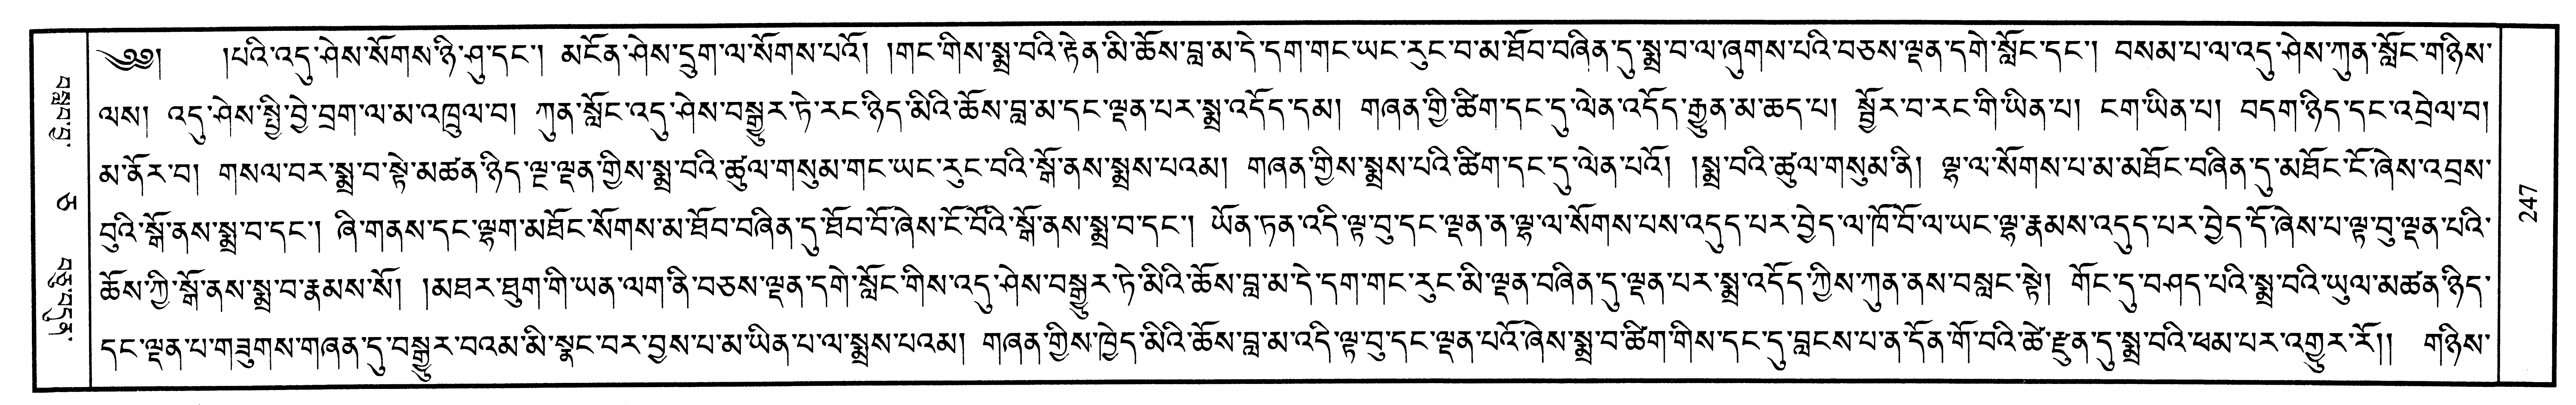༄༅། །པའི་འདུ་ཤེས་སོགས་ཉི་ཤུ་དང་། མངོན་ཤེས་དྲུག་ལ་སོགས་པའོ། །གང་གིས་སྨྲ་བའི་རྟེན་མི་ཆོས་བླ་མ་དེ་དག་གང་ཡང་རུང་བ་མ་ཐོབ་བཞིན་དུ་སྨྲ་བ་ལ་ཞུགས་པའི་བཅས་ལྡན་དགེ་སློང་དང་། བསམ་པ་ལ་འདུ་ཤེས་ཀུན་སློང་གཉིས་
ལས། འདུ་ཤེས་སྤྱི་བྱེ་བྲག་ལ་མ་འཁྲུལ་བ། ཀུན་སློང་འདུ་ཤེས་བསྒྱུར་ཏེ་རང་ཉིད་མིའི་ཆོས་བླ་མ་དང་ལྡན་པར་སྨྲ་འདོད་དམ། གཞན་གྱི་ཚིག་དང་དུ་ལེན་འདོད་རྒྱུན་མ་ཆད་པ། སྦྱོར་བ་རང་གི་ཡིན་པ། ངག་ཡིན་པ། བདག་ཉིད་དང་འབྲེལ་བ།
མ་ནོར་བ། གསལ་བར་སྨྲ་བ་སྟེ་མཚན་ཉིད་ལྔ་ལྡན་གྱིས་སྨྲ་བའི་ཚུལ་གསུམ་གང་ཡང་རུང་བའི་སྒོ་ནས་སྨྲས་པའམ། གཞན་གྱིས་སྨྲས་པའི་ཚིག་དང་དུ་ལེན་པའོ། །སྨྲ་བའི་ཚུལ་གསུམ་ནི། ལྷ་ལ་སོགས་པ་མ་མཐོང་བཞིན་དུ་མཐོང་ངོ་ཞེས་འབྲས་
བུའི་སྒོ་ནས་སྨྲ་བ་དང་། ཞི་གནས་དང་ལྷག་མཐོང་སོགས་མ་ཐོབ་བཞིན་དུ་ཐོབ་བོ་ཞེས་ངོ་བོའི་སྒོ་ནས་སྨྲ་བ་དང་། ཡོན་ཏན་འདི་ལྟ་བུ་དང་ལྡན་ན་ལྷ་ལ་སོགས་པས་འདུད་པར་བྱེད་ལ་ཁོ་བོ་ལ་ཡང་ལྷ་རྣམས་འདུད་པར་བྱེད་དོ་ཞེས་པ་ལྟ་བུ་ལྡན་པའི་
ཆོས་ཀྱི་སྒོ་ནས་སྨྲ་བ་རྣམས་སོ། །མཐར་ཐུག་གི་ཡན་ལག་ནི་བཅས་ལྡན་དགེ་སློང་གིས་འདུ་ཤེས་བསྒྱུར་ཏེ་མིའི་ཆོས་བླ་མ་དེ་དག་གང་རུང་མི་ལྡན་བཞིན་དུ་ལྡན་པར་སྨྲ་འདོད་ཀྱིས་ཀུན་ནས་བསླང་སྟེ། གོང་དུ་བཤད་པའི་སྨྲ་བའི་ཡུལ་མཚན་ཉིད་
དང་ལྡན་པ་གཟུགས་གཞན་དུ་བསྒྱུར་བའམ་མི་སྣང་བར་བྱས་པ་མ་ཡིན་པ་ལ་སྨྲས་པའམ། གཞན་གྱིས་ཁྱེད་མིའི་ཆོས་བླ་མ་འདི་ལྟ་བུ་དང་ལྡན་པའོ་ཞེས་སྨྲ་བ་ཚིག་གིས་དང་དུ་བླངས་པ་ན་དོན་གོ་བའི་ཚེ་རྫུན་དུ་སྨྲ་བའི་ཕམ་པར་འགྱུར་རོ།། གཉིས་